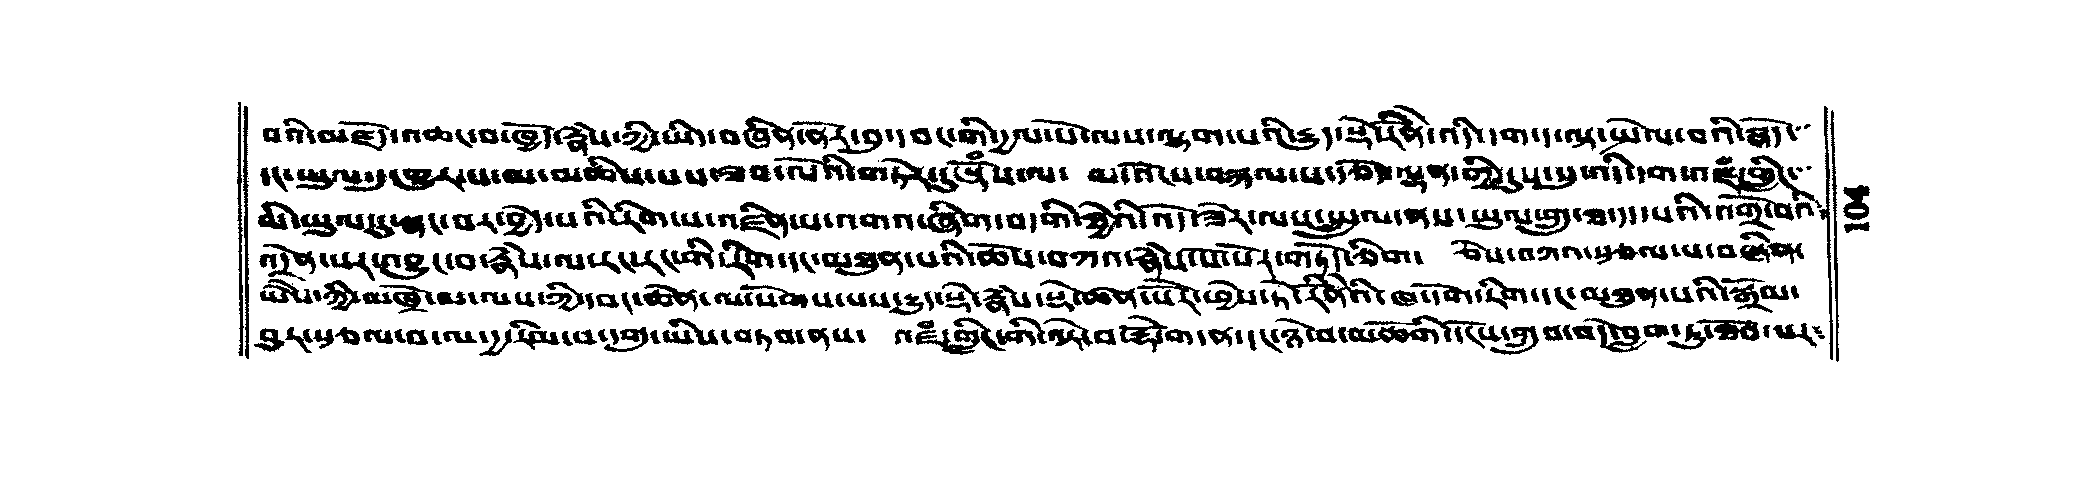བའི་མཛོད་འཆང་བ་ཁྱོད་རྣམས་ཀྱི་ཡིད་བཞིན་ནོར་བུ་དབང་གི་རྒྱལ་པོ་ལས་ལྷག་པའི་རྒྱུད་སྡེ་རིན་པོ་ཆེ་་འདི་དག་ད་ལྟ་སྤེལ་བའི་སྣོད་
དང་ཡུལ་དུ་གྱུར་པ་མ་མཆིས་པས་ཟབ་མོའི་གཏེར་དུ་སྡོམས་ལ། མ་འོང་བསྐལ་པ་རྩོད་ལྡན་གྱི་དུས་སུ་འདི་དག་འཛམ་གླིང་
མི་ཡུལ་དུ་སྣང་བར་བྱེད་པའི་རིག་པ་འཛིན་པ་འགའ་ཞིག་བདག་གི་ཐུགས་རྗེའི་འོད་ཟེར་ལས་སྤྲུལ་ནས་ཡུལ་གྲུ་ཐ་དད་པའི་འགྲོ་བའི་
འདྲེན་པར་འབྱུང་བ་རྣམས་ལ་རང་རང་གི་རིག་དང་མཐུན་པའི་ཆོས་བཀའ་རྣམས་སོ་སོར་གཏོད་ཅིགཅེས་བཀའ་སྩལ་པ་བཞིན་
ཡེ་ཤེས་ཀྱི་མཁའ་འགྲོ་མ་ལས་ཀྱི་དབང་ཆེན་ལ་སོགས་པས་རྒྱུད་སྡེ་རྣམས་སྡེ་ཚན་སོ་སོར་ཕྱེས་ཏེ་རིན་པོ་ཆེའི་ཁ་དོག་རིག་དང་མཐུན་པའི་སྒྲོམ་
བུར་སྩལ་བ་ལ་རྒྱ་རིམ་པ་དགུ་ཡིས་བཏབ་ནས། འཛམ་གླིང་གི་ལྟེ་བ་རྡོ་རྗེ་གདན་དག་ཉེ་བ་མཆོག་གི་དངོས་གྲུབ་བདེ་བླག་ཏུ་ཐོབ་པར་